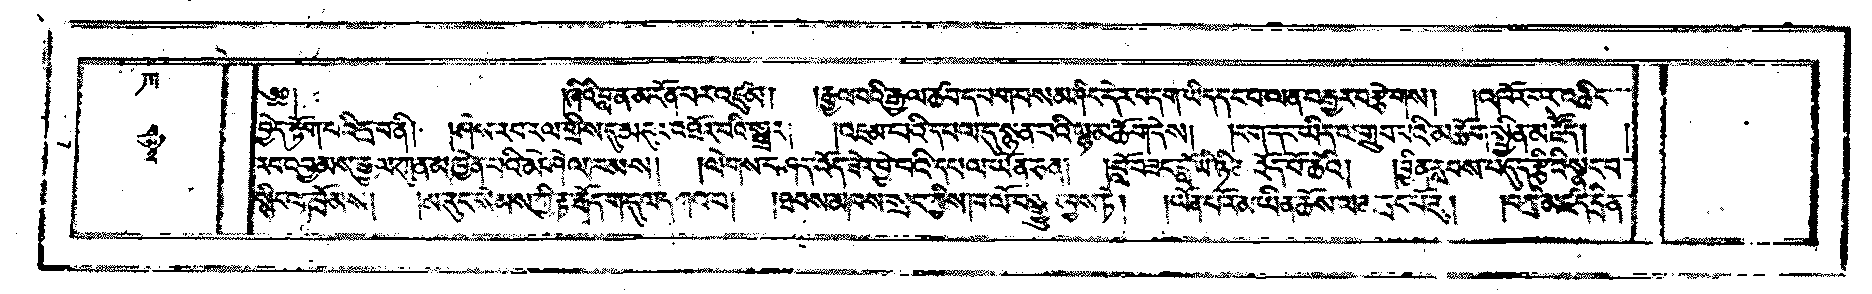༄༅། །ཞིའི་བླ་ན་མངོན་པར་འཛུམ། །རྒྱལ་བའི་རྒྱལ་ཚབ་དཔག་བསམ་ཤིང་དེར་བདག་ཡིད་དང་བ་ལན་བརྒྱར་བརྩེགས། །འཁོར་བར་འཆིང་
བྱེད་རྟོག་པའི་དྲ་བ་ནི། །ཤེས་རབ་རལ་གྲིས་དུམ་བུར་འཐོར་བའི་སྒྲར། །འཇམ་པའི་དཔལ་དུ་སྙན་པའི་ལྷ་མཆོག་དེས། །ངག་དང་ཡིད་ལ་གྲུབ་པའི་མཆོག་སྤྱིན་མཛོད། །
རབ་འབྱམས་རྒྱལ་ཀུན་མཁྱེན་པའི་མེ་ཤེལ་ཁམས། །ལེགས་བཤད་འོད་ཟེར་བྱེ་བའི་དཔལ་ཡོན་ཅན། །བློ་བཟང་བློ་ཡི་ཉི་མ་འོད་པོ་ཆེའི། །བྱིན་རླབས་བདུད་རྩིའི་སྣང་བ་
སྙིང་ལ་ཁྲོམས། །མ་རུང་སེམས་ཀྱི་རྟ་རྒོད་གདུལ་དཀའ་བ། །ཐབས་མཁས་སྲབ་ཀྱིས་ཁ་ལོ་བསྒྱུར་བྱས་ཏེ། །ཡོན་པོར་མ་ཡིན་ཆོས་ལ་མ་དྲང་པོ་རུ། །བཀྲི་མཛད་དྲིན་